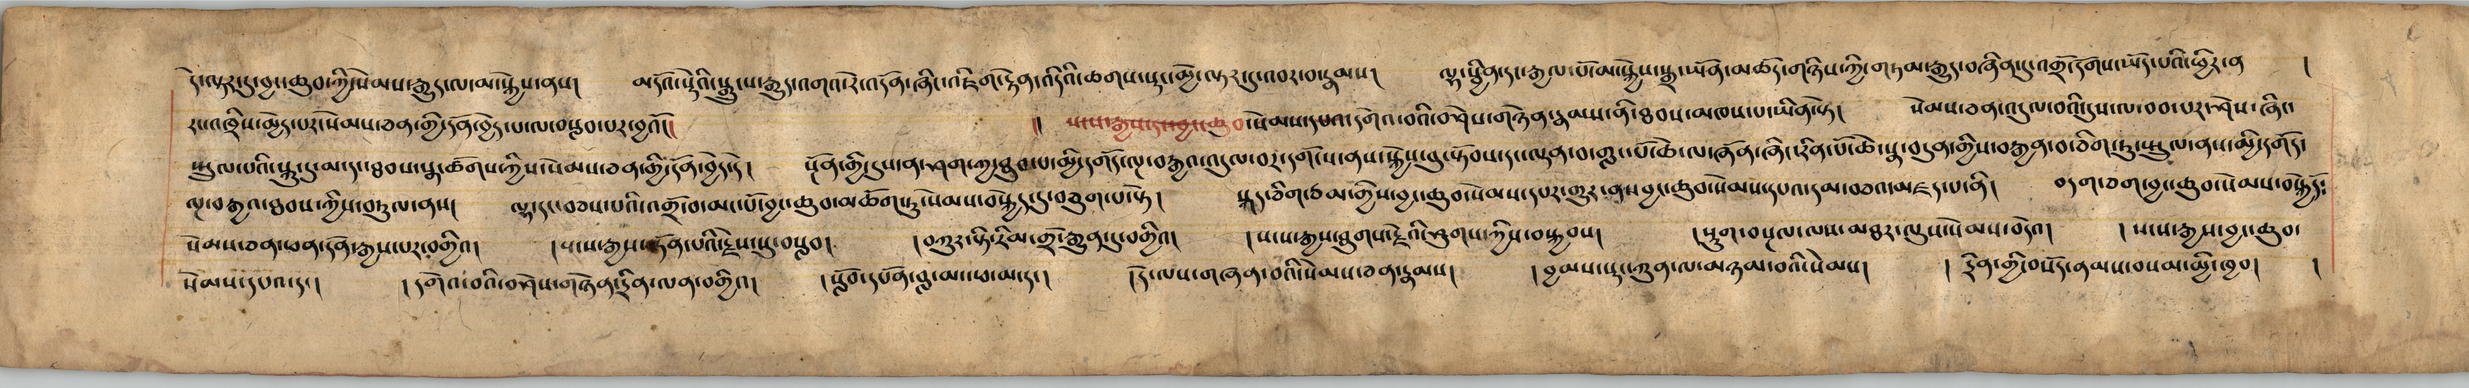དེ་ལྟར་དུ་བྱང་ཆུབ་ཀྱི་སེམས་རྒྱུད་ལ་མ་སྐྱེས་ནས། མདོའ་སྡེའི་སྒྲུ་ས་རྒྱུད་འགའ་རེ་འདོན་ཞིང་འཇིག་རྟེན་འདིའི་ཆགས་སྡང་མྱེ་ལྟར་དུ་འབར་བ་རྣམས། ལྷ་སྦྱིན་དང་རྒྱལ་པོ་མ་སྐྱེས་སྒྲ་ཡོན་མཆོད་གཉིས་ཀྱི་གཏམ་རྒྱུད་བཞིན་དུ་འགྲོ་དགོས་ཡོད་པའི་ཕྱིར་ན
རང་འཁྲིས་མྱེད་པར་སེམས་ཅན་གྱི་དོན་བྱེད་པ་ལ་བསླབ་པར་བྱའོ།། །། སངས་རྒྱས་དང་བྱང་ཆུབ་སེམས་དཔའ་དགེའ་བའི་བཤེས་གཉེན་རྣམས་ནི་ཐབས་མཁས་པ་ཡིན་ཏེ། སེམས་ཅན་འདུལ་བའི་དུས་ལ་བབ་པར་ཤེས་ཞིང་
སྤྲུལ་པའི་སྐུ་དུ་མ་དང་ཐབས་སྣ་ཚོགས་ཀྱིས་སེམས་ཅན་གྱི་དོན་བྱེད་དེ། སྔོན་གྱི་དུས་ན་ཤག་ཀྱ་ཐུབ་པ་མྱི་དགོད་ལྔ་བརྒྱའ་འདུལ་བར་དགོངས་ནས་སྐྱེས་བུ་སྟོབས་དང་ལྡན་བ་གླང་པོ་ཆེ་ལ་ཞཽན་ཞིང་རིན་པོ་ཆེ་སྣ་བདུན་གྱིས་བརྒྱན་བ་ཅིག་ཏུ་སྤྲུལ་ནས་མྱི་དགོད་
ལྔ་བརྒྱའ་ཐབས་ཀྱིས་བཏུལ་ནས། ལྷ་དང་བཅས་པའི་འགྲོ་བ་མང་པོ་བྱང་ཆུབ་མཆོག་ཏུ་སེམས་བསྐྱེད་དུ་བཅུག་པ་སྟེ། སྐད་ཅིག་ཙམ་གྱིས་བྱང་ཆུབ་སེམས་དཔར་གྱུར་ནས་བྱང་ཆུབ་སེམས་དཔའ་དམ་བཅའ་མཛད་པ་ནི། བདག་ཅག་བྱང་ཆུབ་སེམས་བསྐྱེདོ༴
སེམས་ཅན་ཕན་དོན་རྒྱས་པར་བགྱིའ། །སངས་རྒྱས་སྟོན་པའི་རྗེས་སུ་བསླབ། །བཀུར་སྟི་རིམ་གྲོ་རྒྱུན་དུ་བགྱིའ། །སངས་རྒྱས་ཐུགས་རྗེའི་ཤུགས་ཀྱིས་བསྐྱབས། །སྡུག་བསྔལ་ལས་མཐར་ལུས་སེམས་བདེའ། །སངས་རྒྱས་བྱང་ཆུབ་
སེམས་དཔའ་དང། །དགེའ་བའི་བཤེས་གཉེན་དྲིན་ལན་བགྱིའ། །སློབ་དཔོན་བླ་མ་ཕ་མ་དང། །དེ་ལས་གཞན་བའི་སེམས་ཅན་རྣམས། །བྱམས་སྡང་ཀུན་ལ་མཉམ་བའི་སེམས། ། དྲིན་གྱི་བསོད་ནམས་བསམ་མྱི་ཁྱབ།